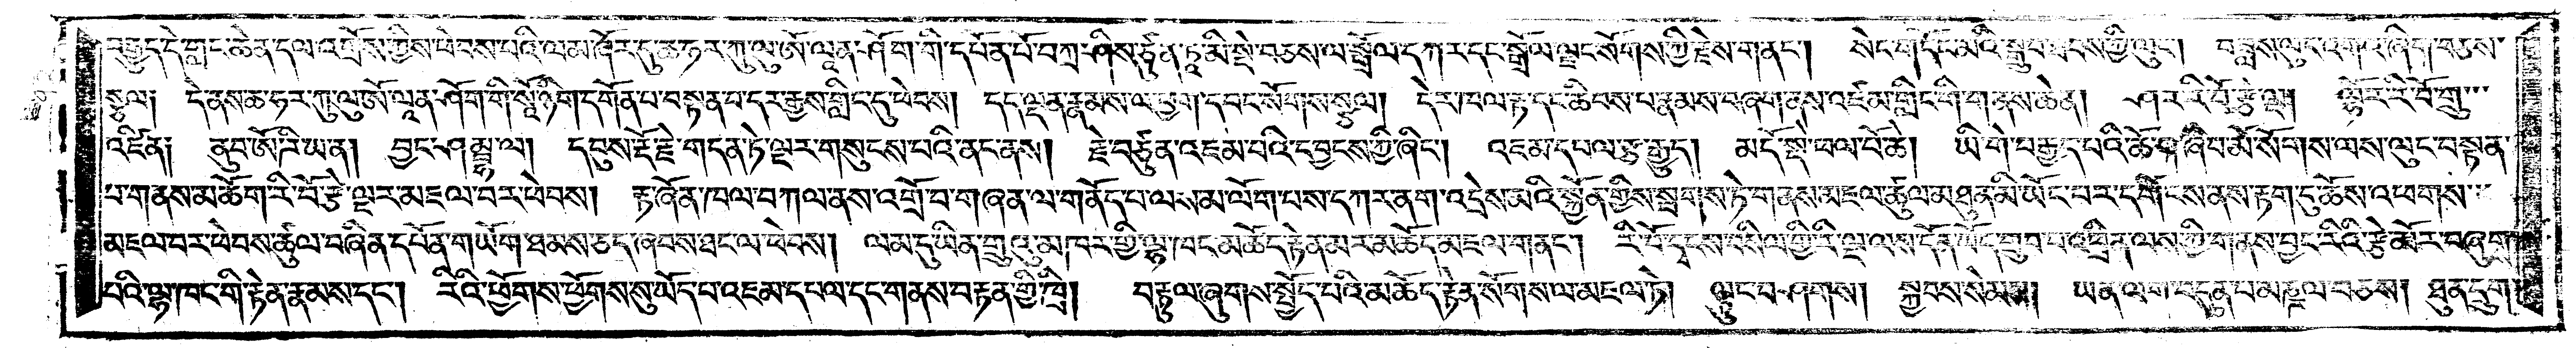བསྩད་དེ་གླང་ཆེན་དལ་འགྲོས་ཀྱིས་ཕེབས་པའི་ལམ་ཞོར་དུ་ཆ་ཧར་ཀུ་ལུ་ཨོ་ལཱན་ཤོག་གི་དབོན་པོ་བཀྲ་ཤིས་ཙུན་ཏཱ་མི་སྡེ་བཅས་ལ་སྒྲོལ་དཀར་དང་སྒྲོལ་ལྗང་སོགས་ཀྱི་རྗེས་གནང་། སེང་གདོང་མའི་སྒྲུབ་ཐབས་ཀྱི་ལུང་། བཟླས་ལུང་འགའ་ཞིག་བཅས་
སྩལ༑ དེ་ནས་ཆ་ཧར་ཀུ་ལུ་ཨོ་ལཱན་ཤོག་གི་སྔོ་ཉིག་དགོན་བ་བསྟན་པ་དར་རྒྱས་གླིང་དུ་ཕེབས། དད་ལྡན་རྣམས་ལ་ཕྱག་དབང་སོགས་སྩལ། དེར་ཁལ་རྟ་དང་ཆིབས་པ་རྣམས་བཞག་ནས་འཛམ་གླིང་གི་གནས་ཆེན། ཤར་རི་བོ་རྩེ་ལྔ། ལྷོར་རི་བོ་གྲུ་
འཛིན༑ ནུབ་ཨོ་ཌི་ཡ་ན། བྱང་ཤམྦྷ་ལ། དབུས་རྡོ་རྗེ་གདན་ཏེ་ལྔར་གསུངས་པའི་ནང་ནས། རྗེ་བཙུན་འཇམ་པའི་དབྱངས་ཀྱི་ཞིང་། འཇམ་དཔལ་རྩ་རྒྱུད། མདོ་སྡེ་ཕལ་བོ་ཆེ། ཡི་གེ་བརྒྱད་པའི་ཆོ་ག་ཞིབ་མོ་སོགས་ལས་ལུང་བསྟན་
པ་གནས་མཆོག་རི་བོ་རྩེ་ལྔར་མཇལ་བར་ཕེབས། རྟ་ཞོན་ཁལ་བཀལ་ནས་འགྲོ་བ་གཞན་ལ་གནོད་པ་ལས་མ་ལོག་པས་དཀར་ནག་འདྲེས་མའི་སྐྱོན་གྱིས་སྦགས་ཏེ་གནས་མཇལ་ཚུལ་མཐུན་མི་ཡོང་བར་དགོངས་ནས་རྟག་དུ་ཆོས་འཕགས་
མཇལ་བར་ཕེབས་ཚུལ་བཞིན་དཔོན་གཡོག་ཐམས་ཅད་ཞབས་ཐང་ལ་ཕེབས། ལམ་དུ་ཡིན་གྲུའུ་མཁར་གྱི་ལྷ་ཁང་མཆོད་རྟེན་མར་མཆོད་མཇལ་གནང་། རི་བོ་དྭངས་བསིལ་གྱི་རི་ལྔ་ལས་དོན་ཡོད་གྲུབ་བ་འཕྲིན་ལས་ཀྱི་གནས་བྱང་རིའི་རྩེ་མོར་བཞུགས་
པའི་ལྷ་ཁང་གི་རྟེན་རྣམས་དང་། རིའི་ཕྱོགས་ཕྱོགས་སུ་ཡོད་པ་འཇམ་དབལ་དང་གནས་བརྟན་གྱི་ཁྲི། བརྟུལ་ཞུགས་སྤྱོད་བའི་མཆོད་།རྟེན་སོགས་ལ་མཇལ་ཏེ། སྟུང་བཤགས། སྐྱབས་སེམས། ཡན་ལག་བདུན་པ་མཎྜལ་བཅས། ཐུན་དྲུག་